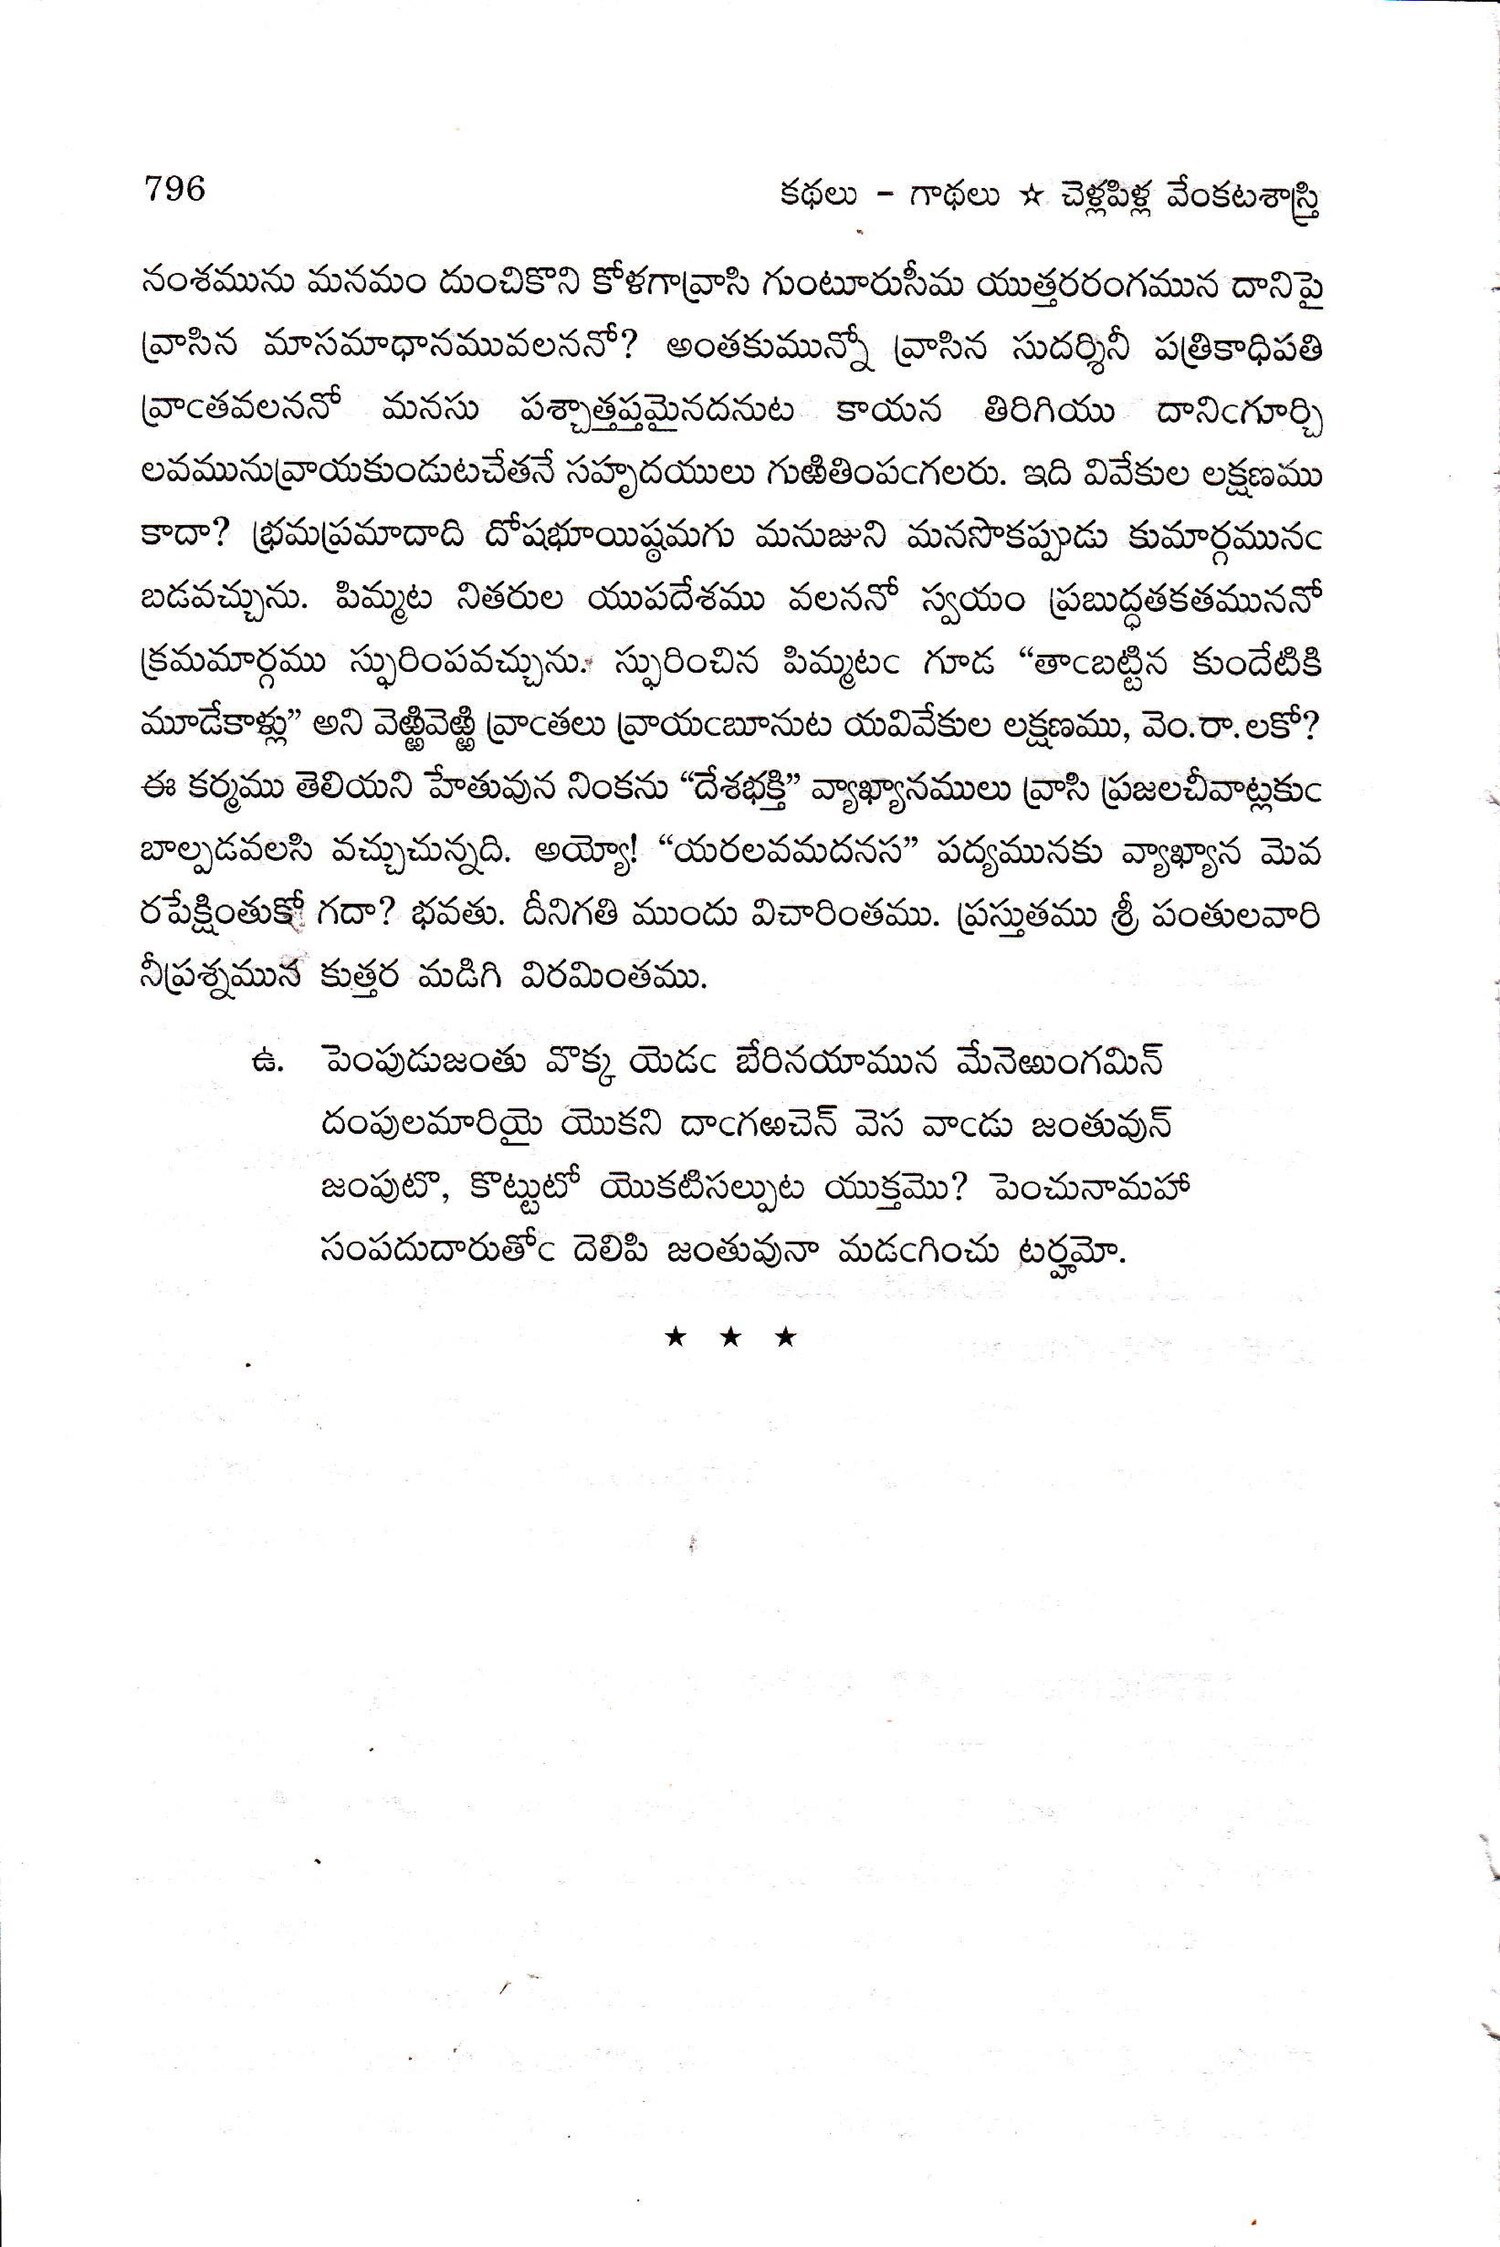నంశమును మనమం దుంచికొని కోళగావ్రాసి గుంటూరుసీమ యుత్తరరంగమున దానిపై వ్రాసిన మాసమాధానమువలననో? అంతకుమున్నో వ్రాసిన సుదర్శినీ పత్రికాధిపతి వ్రాఁతవలననో మనసు పశ్చాత్తప్తమైనదనుట కాయన తిరిగియు దానిఁగూర్చి లవమునువ్రాయకుండుటచేతనే సహృదయులు గుఱితింపఁగలరు. ఇది వివేకుల లక్షణము కాదా? భ్రమప్రమాదాది దోషభూయిష్ఠమగు మనుజుని మనసొకప్పుడు కుమార్గమునఁ బడవచ్చును. పిమ్మట నితరుల యుపదేశము వలననో స్వయం ప్రబుద్ధతకతముననో క్రమమార్గము స్ఫురింపవచ్చును. స్ఫురించిన పిమ్మటఁ గూడ “తాఁబట్టిన కుందేటికి మూడేకాళ్లు" అని వెఱ్ఱివెఱ్ఱి వ్రాఁతలు వ్రాయఁబూనుట యవివేకుల లక్షణము, వెం.రా.లకో? ఈ కర్మము తెలియని హేతువున నింకను “దేశభక్తి వ్యాఖ్యానములు వ్రాసి ప్రజలచీవాట్లకుఁ బాల్పడవలసి వచ్చుచున్నది. అయ్యో! “యరలవమదనస" పద్యమునకు వ్యాఖ్యాన మెవ రపేక్షింతుకో గదా? భవతు. దీనిగతి ముందు విచారింతము. ప్రస్తుతము శ్రీ పంతులవారి నీప్రశ్నమున కుత్తర మడిగి విరమింతము.

ఉ. పెంపుడుజంతు వొక్క యెడఁ బేరినయామున మేనెఱుంగమిన్ 
 దంపులమారియై యొకని దాఁగఱచెన్ వెస వాఁడు జంతువున్ 
 జంపుటో, కొట్టుటో యొకటిసల్పుట యుక్తమొ? పెంచునామహా 
 సంపదుదారుతోఁ దెలిపి జంతువునా మడఁగించు టర్హమో.